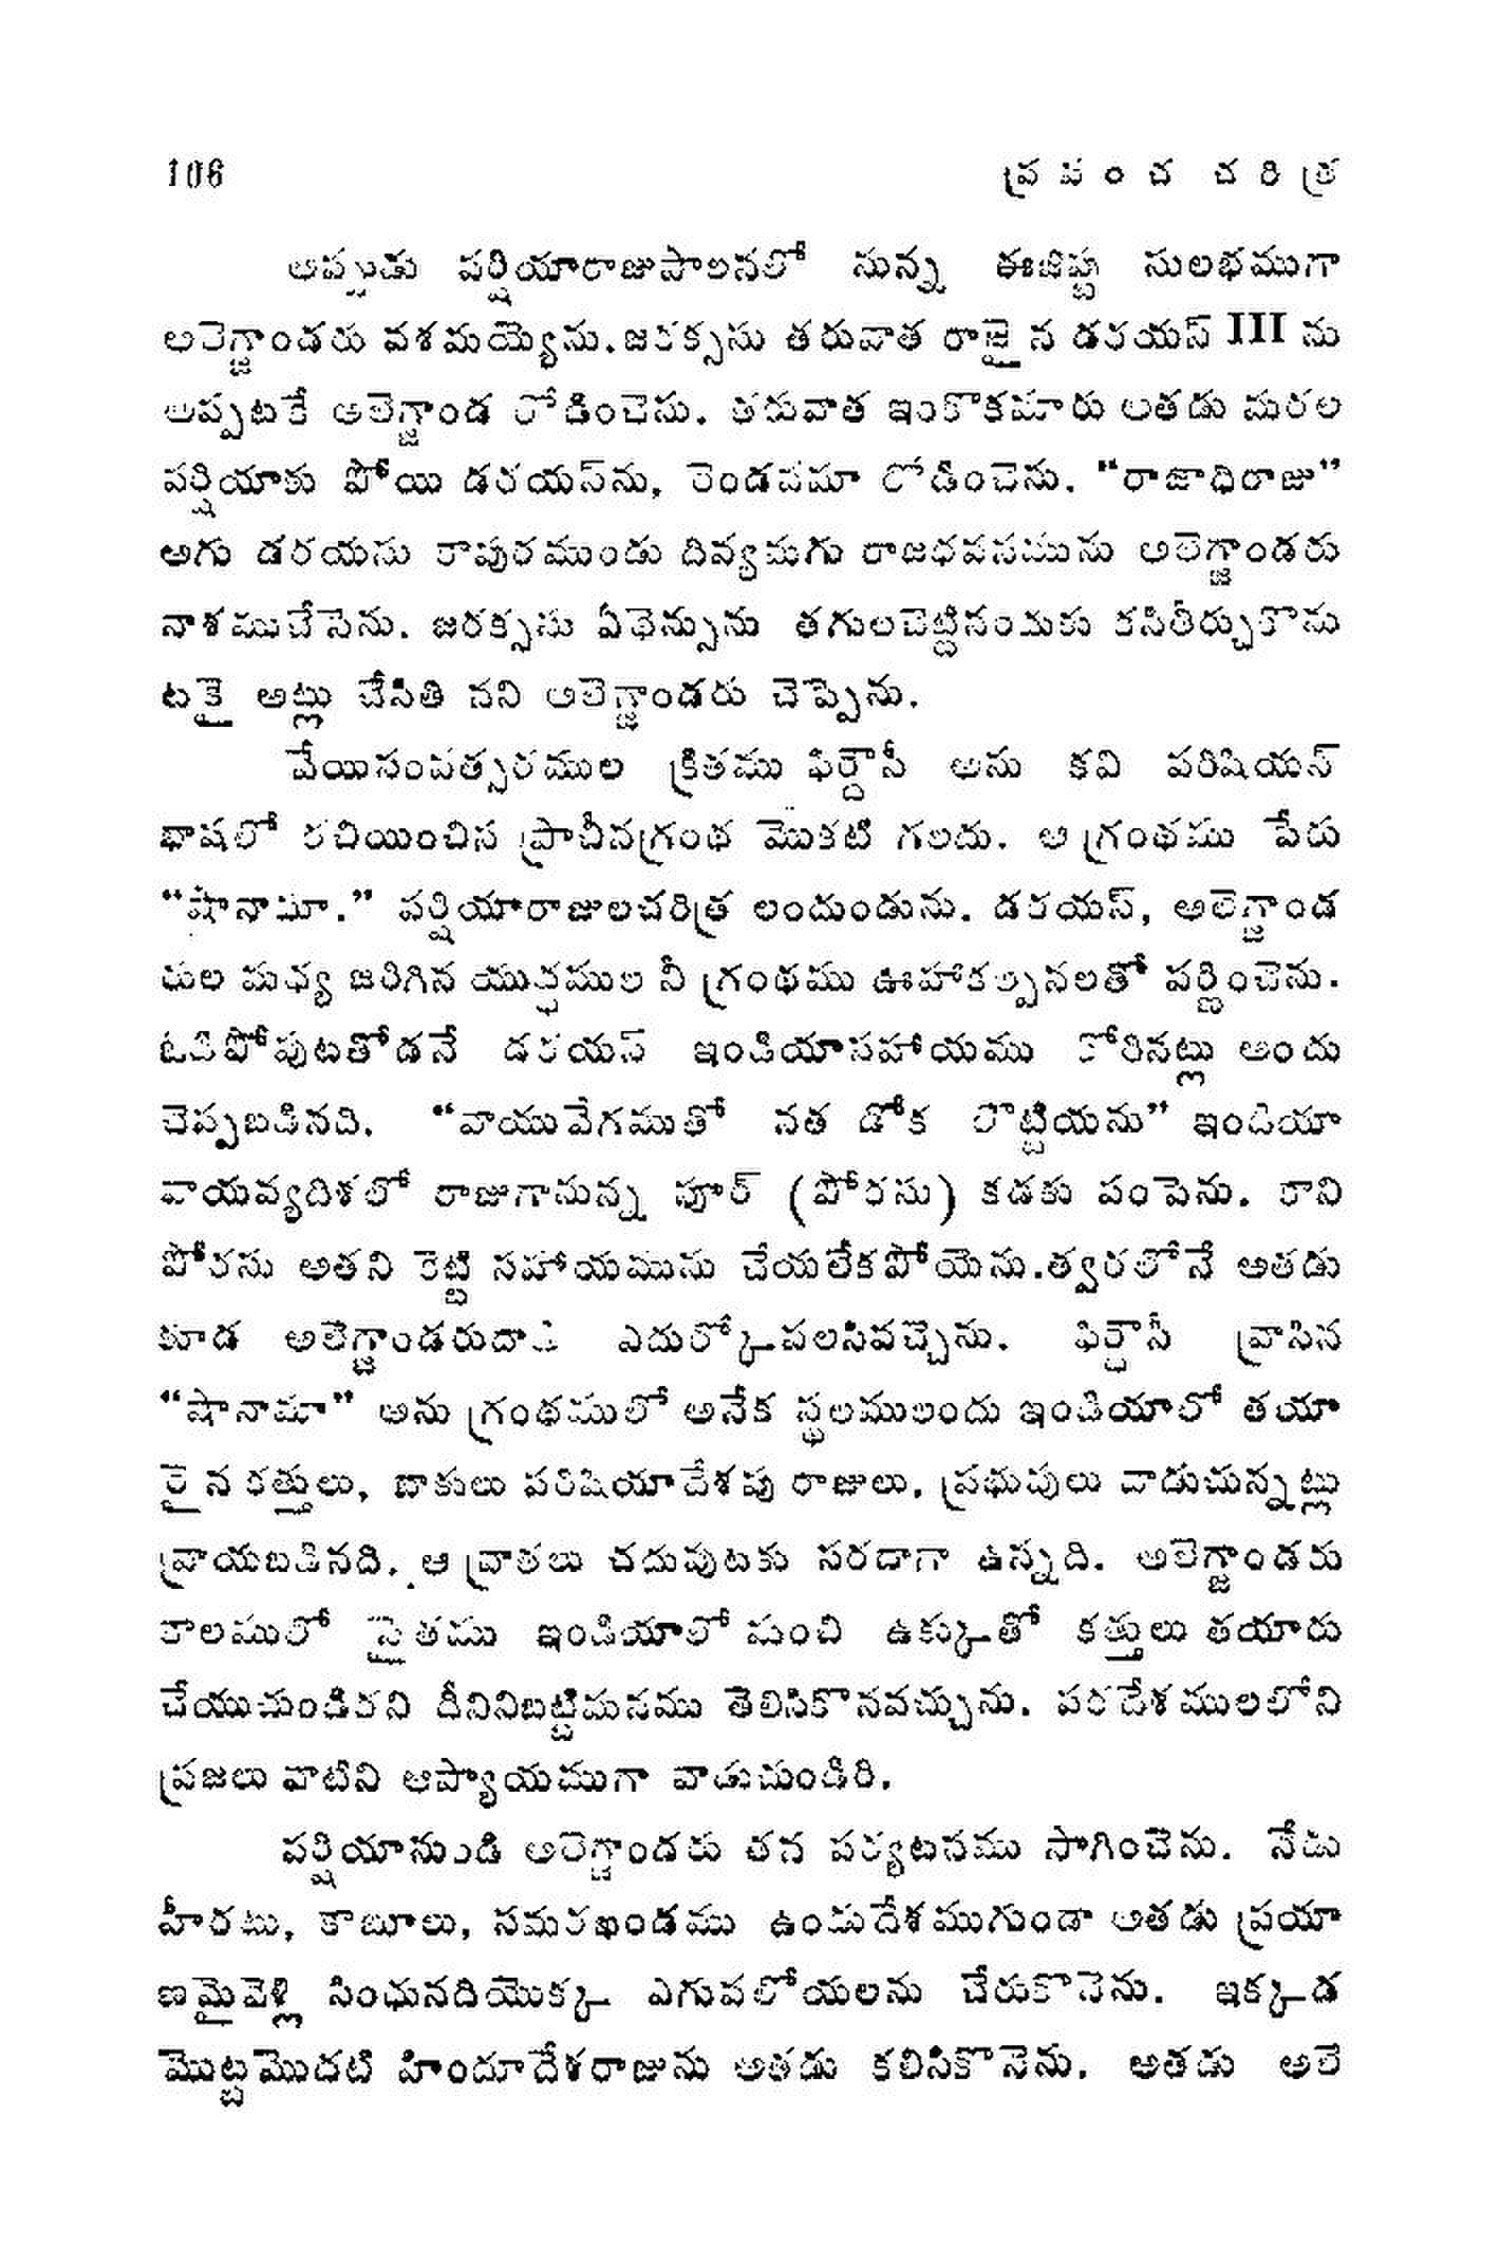అప్పుడు పర్షియారాజుపాలనలో నున్న ఈజిప్టు సులభముగా అలెగ్జాండరు వశమయ్యెను. జరక్ససు తరువాత రాజైన డరయస్ III ను అప్పటకే అలెగ్జాండ రోడించెను. తరువాత ఇంకొకమారు అతడు మరల పర్షియాకు పోయి డరయస్‌ను, రెండవమా రోడించెను. "రాజాధిరాజు" అగు డరయసు కాపురముండు దివ్యమగు రాజభవనమును అలెగ్జాండరు నాశనముచేసెను. జరక్ససు ఏథెన్సును తగులబెట్టినందుకు కసితీర్చుకొనుటకై అట్లు చేసితి నని అలెగ్జాండరు చెప్పెను.

వేయిసంవత్సరముల క్రితము ఫిర్దౌసీ అను కవి పరిషియన్ భాషలో రచియించిన ప్రాచీనగ్రంథ మొకటి గలదు. ఆ గ్రంథము పేరు "షానామా" పర్షియారాజులచరిత్ర లందుండును. డరయస్, అలెగ్జాండరుల మధ్య జరిగిన యుద్ధముల నీ గ్రంథము ఊహాకల్పనలతో వర్ణించెను. ఓడిపోవుటతోడనే డరయస్ ఇండియాసహాయము కోరినట్లు అందు చెప్పబడినది. "వాయువేగముతో నత డోక లొట్టియను" ఇండియా వాయవ్యదిశలో రాజుగానున్న పూర్ (పోరసు) కడకు పంపెను. కాని పోరసు అతని కెట్టి సహాయమును చేయలేకపోయెను. త్వరలోనే అతడు కూడ అలెగ్జాండరుదాడి ఎదుర్కోవలసివచ్చెను. ఫిర్దౌసీ వ్రాసిన "షానామా" అను గ్రంథములో అనేక స్థలములందు ఇండియాలో తయారైన కత్తులు, బాకులు పరిషియాదేశపు రాజులు, ప్రభువులు వాడుచున్నట్లు వ్రాయబడినది. ఆవ్రాతలు చదువుటకు సరదాగా ఉన్నది. అలెగ్జాండరు కాలములో సైతము ఇండియాలో మంచి ఉక్కుతో కత్తులు తయారు చేయుచుండిరని దీనినిబట్టిమనము తెలిసికొనవచ్చును. పరదేశములలోని ప్రజలు వాటిని ఆప్యాయముగా వాడుచుండిరి.

పర్షియానుండి అలెగ్జాండరు తన పర్యటనము సాగించెను. నేడు హీరటు, కాబూలు, సమరఖండము ఉండుదేశముగుండా అతడు ప్రయాణమైవెళ్లి సింధునదియొక్క ఎగువలోయలను చేరుకొనెను. ఇక్కడ మొట్టమొదటి హిందూదేశరాజును అతడు కలిసికొనెను. అతడు అలె